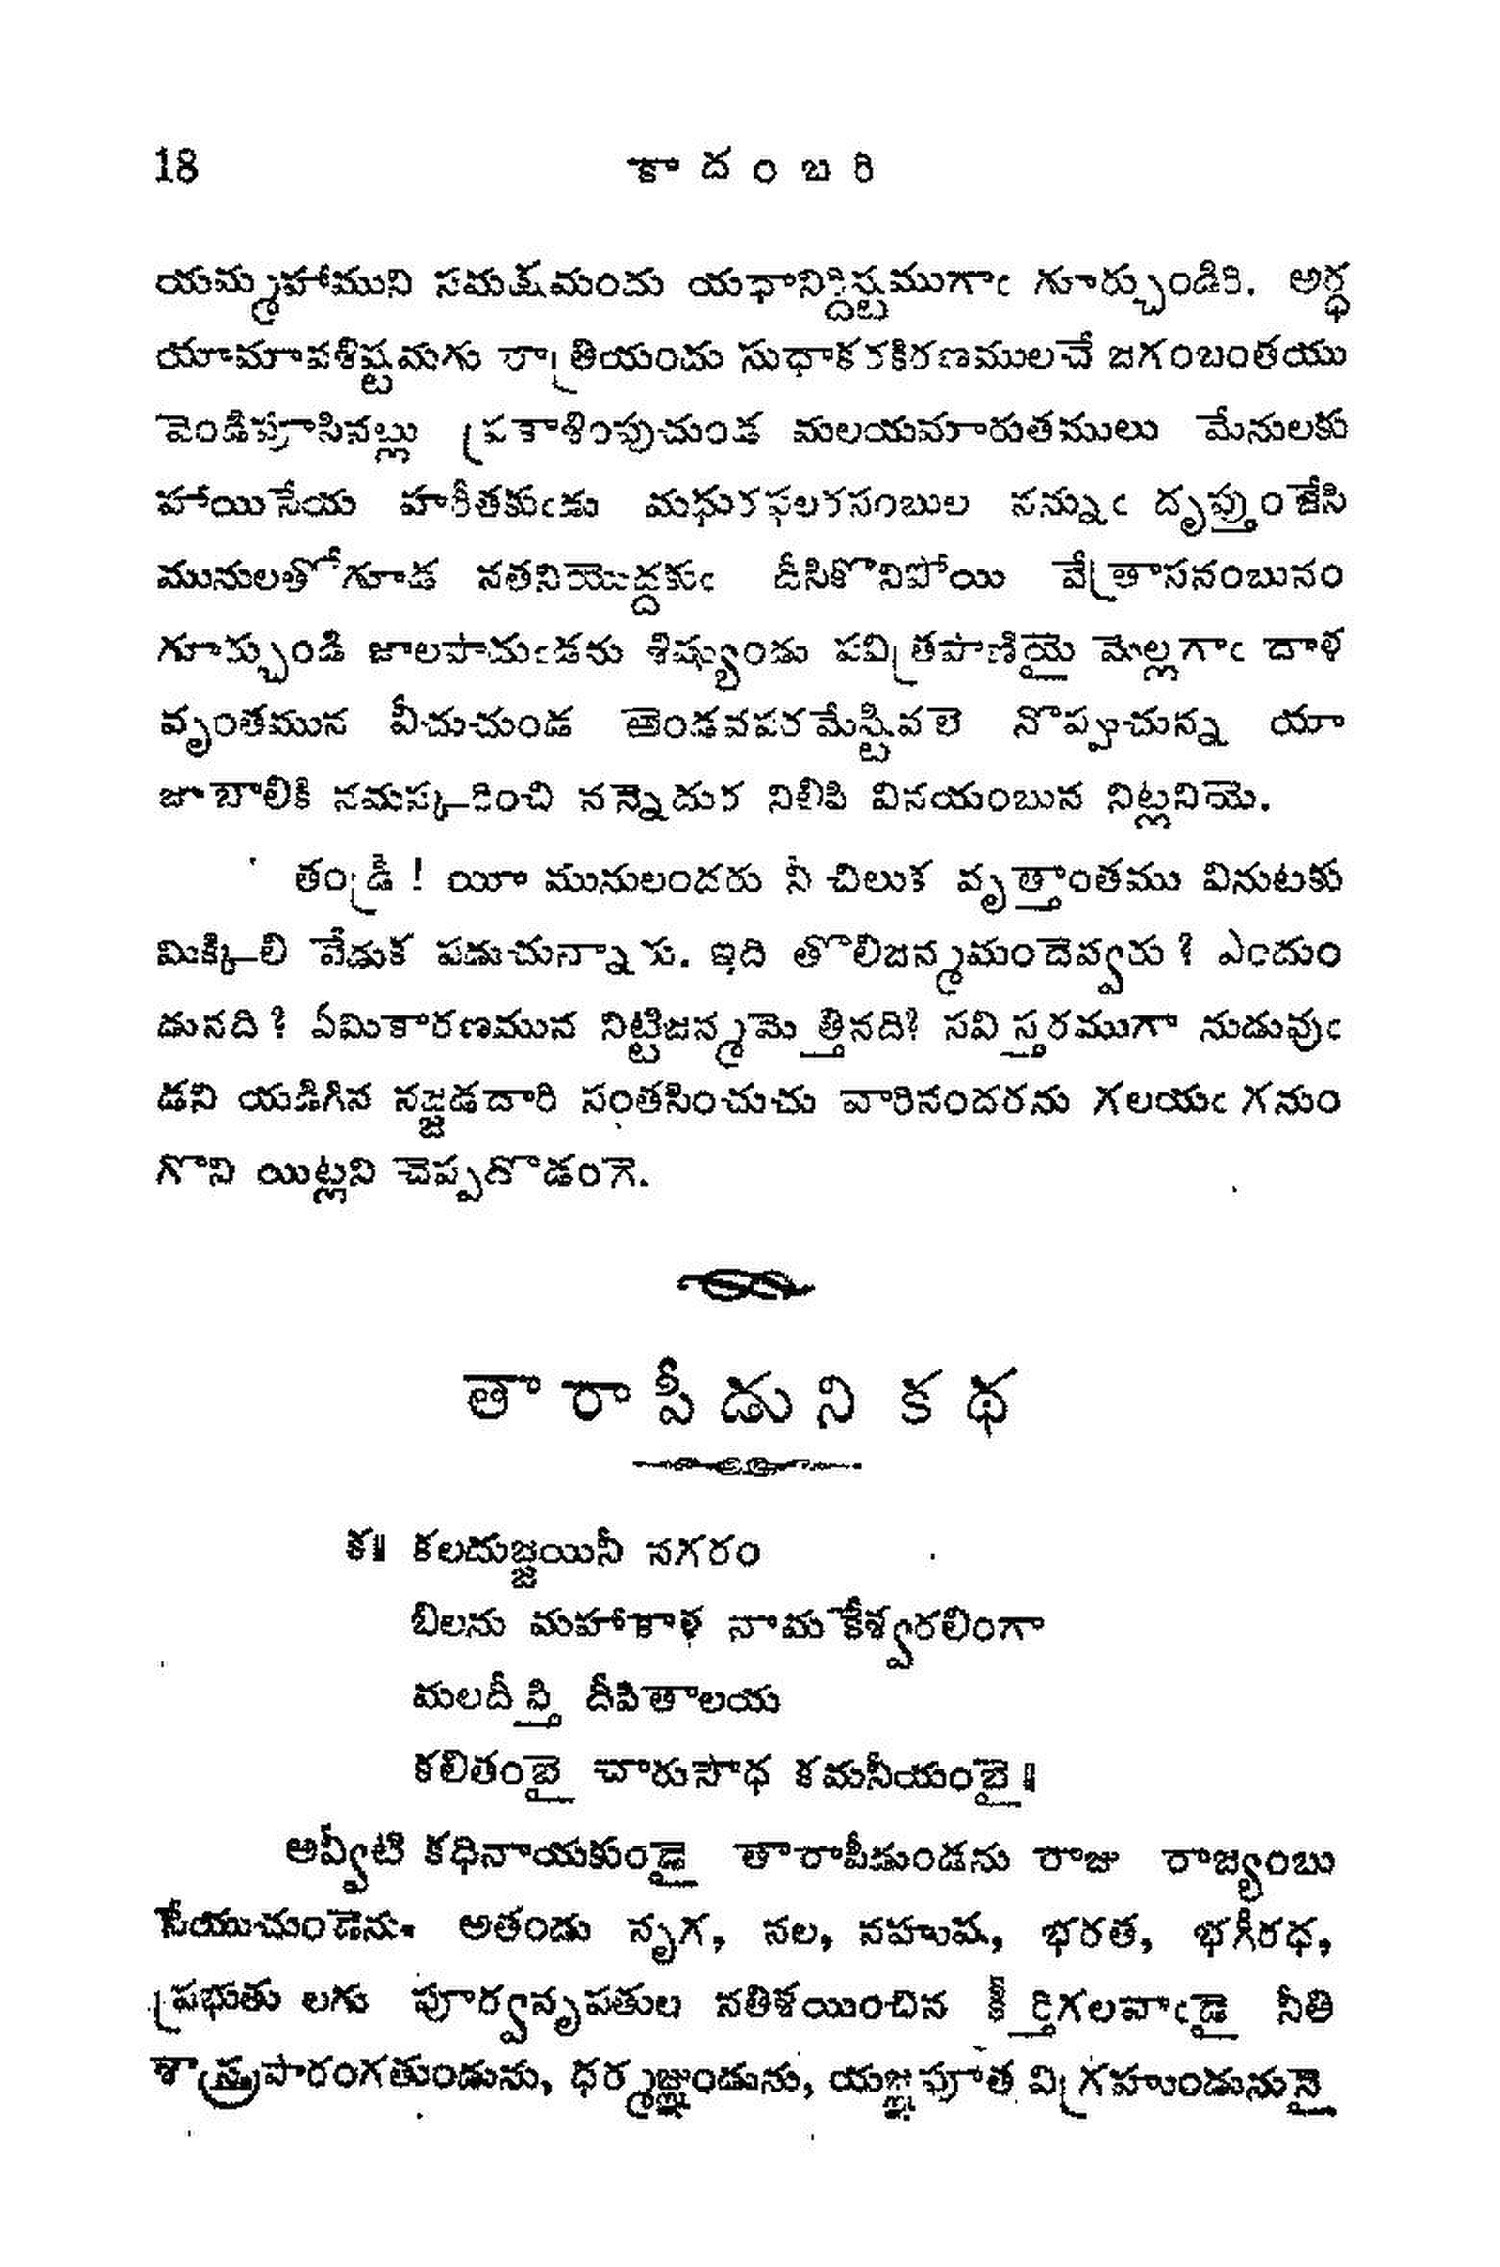యమ్మహాముని సమక్షమందు యధానిర్దిష్టముగాఁ గూర్చుండిరి. అర్ధయామావశిష్టమగు రాత్రియందు సుధాకర కిరణములచే జగంబంతయు వెండిపూసినట్లు ప్రకాశింపుచుండ మలయమారుతములు మేనులకు హాయిసేయ హరీతకుఁడు మధురఫలరసంబుల నన్నుఁ దృప్తుంజేసి మునులతోగూడ నతనియొద్దకుఁ దీసికొనిపోయి వేత్రాసనంబునం గూర్చుండి జాలపాదుఁడను శిష్యుండు పవిత్రపాణియై మెల్లగాఁ దాళ వృంతమున వీచుచుండ ఱెండవపరమేష్టివలె నొప్పుచున్న యా జాబాలికి నమస్కరించి నన్నెదుర నిలిపి వినయంబున నిట్లనియె.

తండ్రీ! యీ మునులందరు నీ చిలుక వృత్తాంతము వినుటకు మిక్కిలి వేడుక పడుచ్చున్నారు. ఇది తొలిజన్మమందెవ్వరు? ఎందుండునది? ఏమికారణమున నిట్టిజన్మమెత్తినది? సవిస్తరముగా నుడువుఁడని యడిగిన నజ్జడదారి సంతసించుచు వారినందరను గలయఁ గనుంగొని యిట్లని చెప్పదొడంగె.

తారాపీడుని కథ

క|| కలదుజ్జయినీ నగరం
 బిలను మహాకాళ నామకేశ్వరలింగా
 మలదీప్తి దీపితాలయ
 కలితంబై చారుసౌధ కమనీయంబై||

అవ్వీటి కధినాయకుండై తారాపీడుండను రాజు రాజ్యంబు సేయుచుండెను. అతండు నృగ, నల, నహుష, భరత, భగీరధ, ప్రభుతు లగు పూర్వనృపతుల నతిశయించిన కీర్తిగలవాఁడై నీతి శాస్త్రపారంగతుండును, ధర్మజ్ఞుండును, యజ్ఞపూత విగ్రహుండునునై